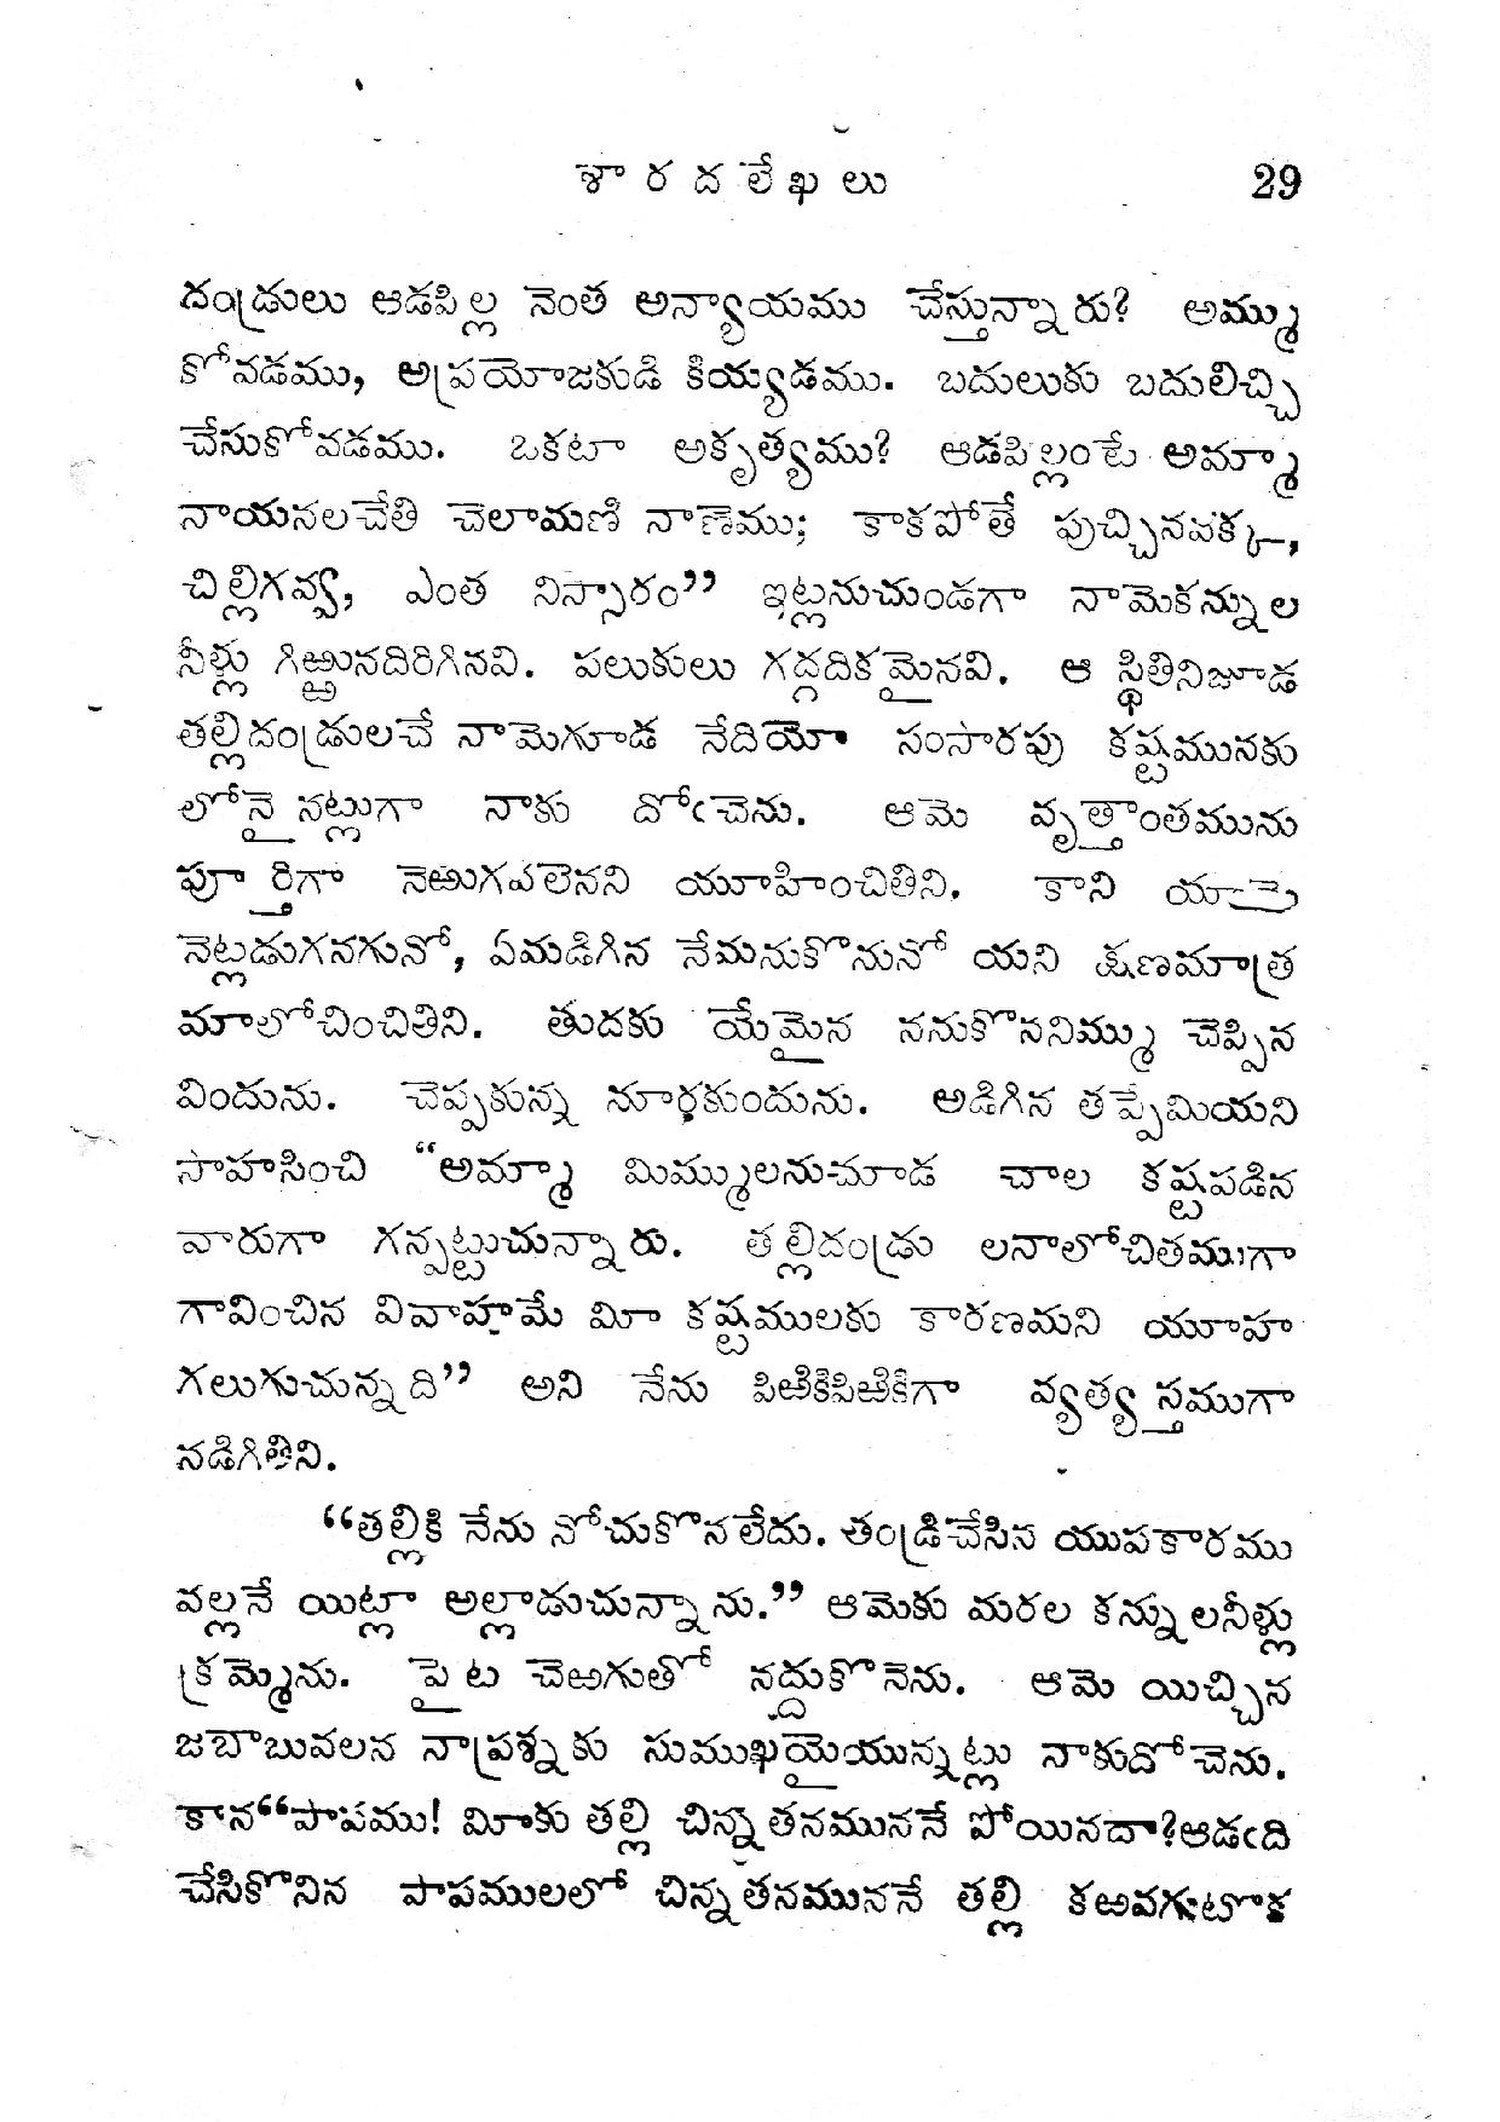దండ్రులు ఆడపిల్ల నెంత అన్యాయము చేస్తున్నారు? అమ్ముకోవడము, అప్రయోజకుడి కియ్యడము. బదులుకు బదులిచ్చి చేసుకోవడము. ఒకటా అకృత్యము? ఆడపిల్లంటే అమ్మా నాయనలచేతి చెలామణి నాణెము; కాకపోతే పుచ్చినవక్క, చిల్లిగవ్వ, ఎంత నిస్సారం” ఇట్లనుచుండగా నామెకన్నుల నీళ్లు గిఱ్ఱునదిరిగినవి. పలుకులు గద్దదికమైనవి. ఆ స్థితినిజూడ తల్లిదండ్రులచే నామెగూడ నేదియో సంసారపు కష్టమునకు లోనైనట్లుగా నాకు దోఁచెను. ఆమె వృత్తాంతమును పూర్తిగా నెఱుగవలెనని యూహించితిని. కాని యామె నెట్లడుగనగునో, ఏమడిగిన నేమనుకొనునో యని క్షణమాత్ర మాలోచించితిని. తుదకు యేమైన ననుకొననిమ్ము చెప్పిన విందును. చెప్పకున్న నూరకుందును. అడిగిన తప్పేమియని సాహసించి "అమ్మా మిమ్ములనుచూడ చాల కష్టపడినవారుగా గన్పట్టుచున్నారు. తల్లిదండ్రు లనాలోచితముగా గావించిన వివాహమే మీ కష్టములకు కారణమని యూహ గలుగుచున్నది” అని నేను పిఱికిపిఱికిగా వ్యత్యస్తముగా
నడిగితిని.

“తల్లికి నేను నోచుకొనలేదు. తండ్రిచేసిన యువకారము వల్లనే యిట్లా అల్లాడుచున్నాను.” ఆమెకు మరల కన్నులనీళ్లు క్రమ్మెను. పైట చెఱగుతో నద్దుకొనెను. ఆమె యిచ్చిన జబాబువలన నాప్రశ్నకు సుముఖయైయున్నట్లు నాకుదోచెను. కాన"పాపము! మీకు తల్లి చిన్నతనముననే పోయినదా? ఆడఁది
చేసికొనిన పాపములలో చిన్నతనముననే తల్లి కఱవగుటొక